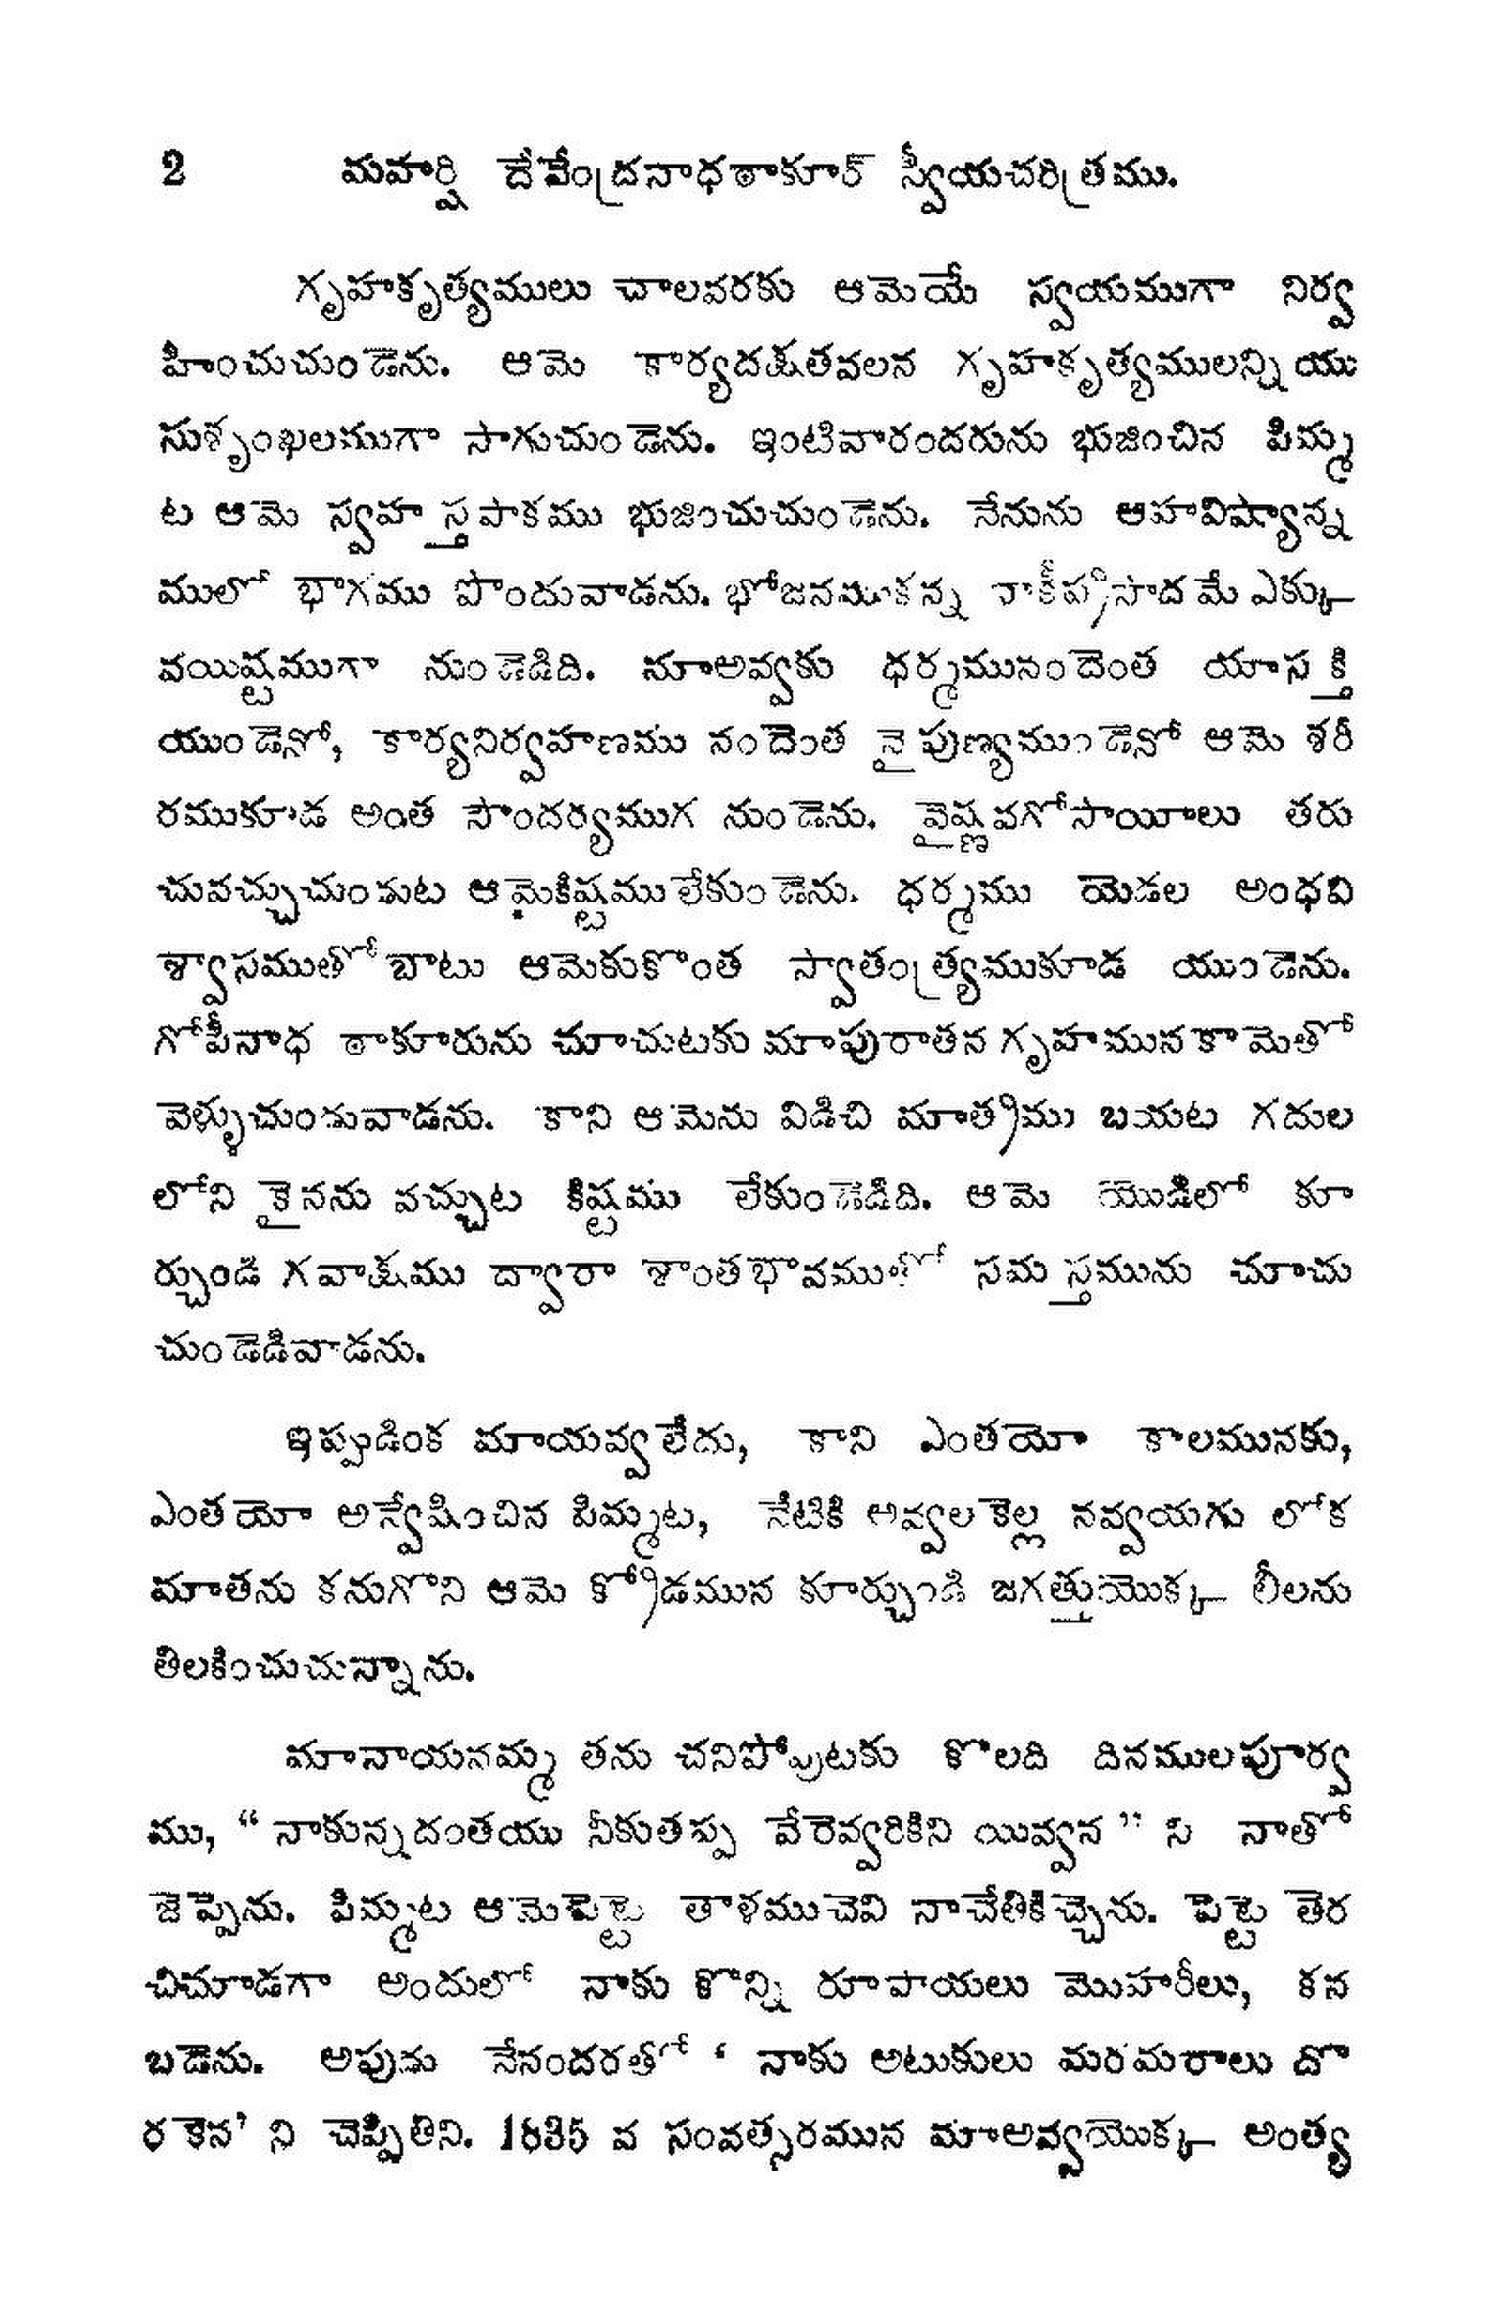గృహకృత్యములు చాలవరకు ఆమెయే స్వయముగా నిర్వహించుచుండెను. ఆమె కార్యదక్షతవలన గృహకృత్యములన్నియు సుశృంఖలముగా సాగుచుండెను. ఇంటివారందరును భుజించిన పిమ్మట ఆమె స్వహస్తపాకము భుజించుచుండెను. నేనును ఆహవిష్యాన్నములో భాగము పొందువాడను. భోజనముకన్న నాకీప్రసాదమే ఎక్కువయిష్టముగా నుండెడిది. మా అవ్వకు ధర్మమునందెంత యాసక్తి యుండెనో, కార్యనిర్వహణము నందెంత నైపుణ్యముండెనో ఆమె శరీరముకూడ అంత సౌందర్యముగ నుండెను. వైష్ణవ గోసాయీలు తరుచువచ్చుచుంచుట ఆమెకిష్టము లేకుండెను. ధర్మము యెడల అంధవిశ్వాసముతో బాటు ఆమెకు కొంత స్వాతంత్ర్యముకూడ యుండెను. గోపీనాధ ఠాకూరును చూచుటకు మాపురాతన గృహమున కామెతో వెళ్ళుచుండువాడను. కాని ఆమెను విడిచి మాత్రము బయట గదుల లోనికైనను వచ్చుట కిష్టము లేకుండెడిది. ఆమె యొడిలో కూర్చుండి గవాక్షము ద్వారా శాంతభావముతో సమస్తమును చూచుచుండెడి వాడను.

ఇప్పుడింక మాయవ్య లేదు, కాని ఎంతయో కాలమునకు, ఎంతయో అన్వేషించిన పిమ్మట, నేటికీ అవ్వల కెల్ల నవ్వయగు లోక మాతను కనుగొని ఆమె క్రోడమున కూర్చుండి జగత్తు యొక్క లీలను తిలకించుచున్నాను.

మా నాయనమ్మ తను చనిపోవుటకు కొలది దినముల పూర్వము, “నాకున్నదంతయు నీకుతప్ప వేరెవ్వరికిని యివ్వన” ని నాతో జెప్పెను. పిమ్మట ఆమెపెట్టె తాళము చెవి నా చేతికిచ్చెను. పెట్టె తెరచిచూడగా అందులో నాకు కొన్ని రూపాయలు మొహరీలు, కనబడెను. అపుడు నేనందరతో ‘నాకు అటుకులు మరమరాలు దొరకెన’ ని చెప్పితిని. 1835 వ సంవత్సరమున మఅవ్వ యొక్క అంత్య